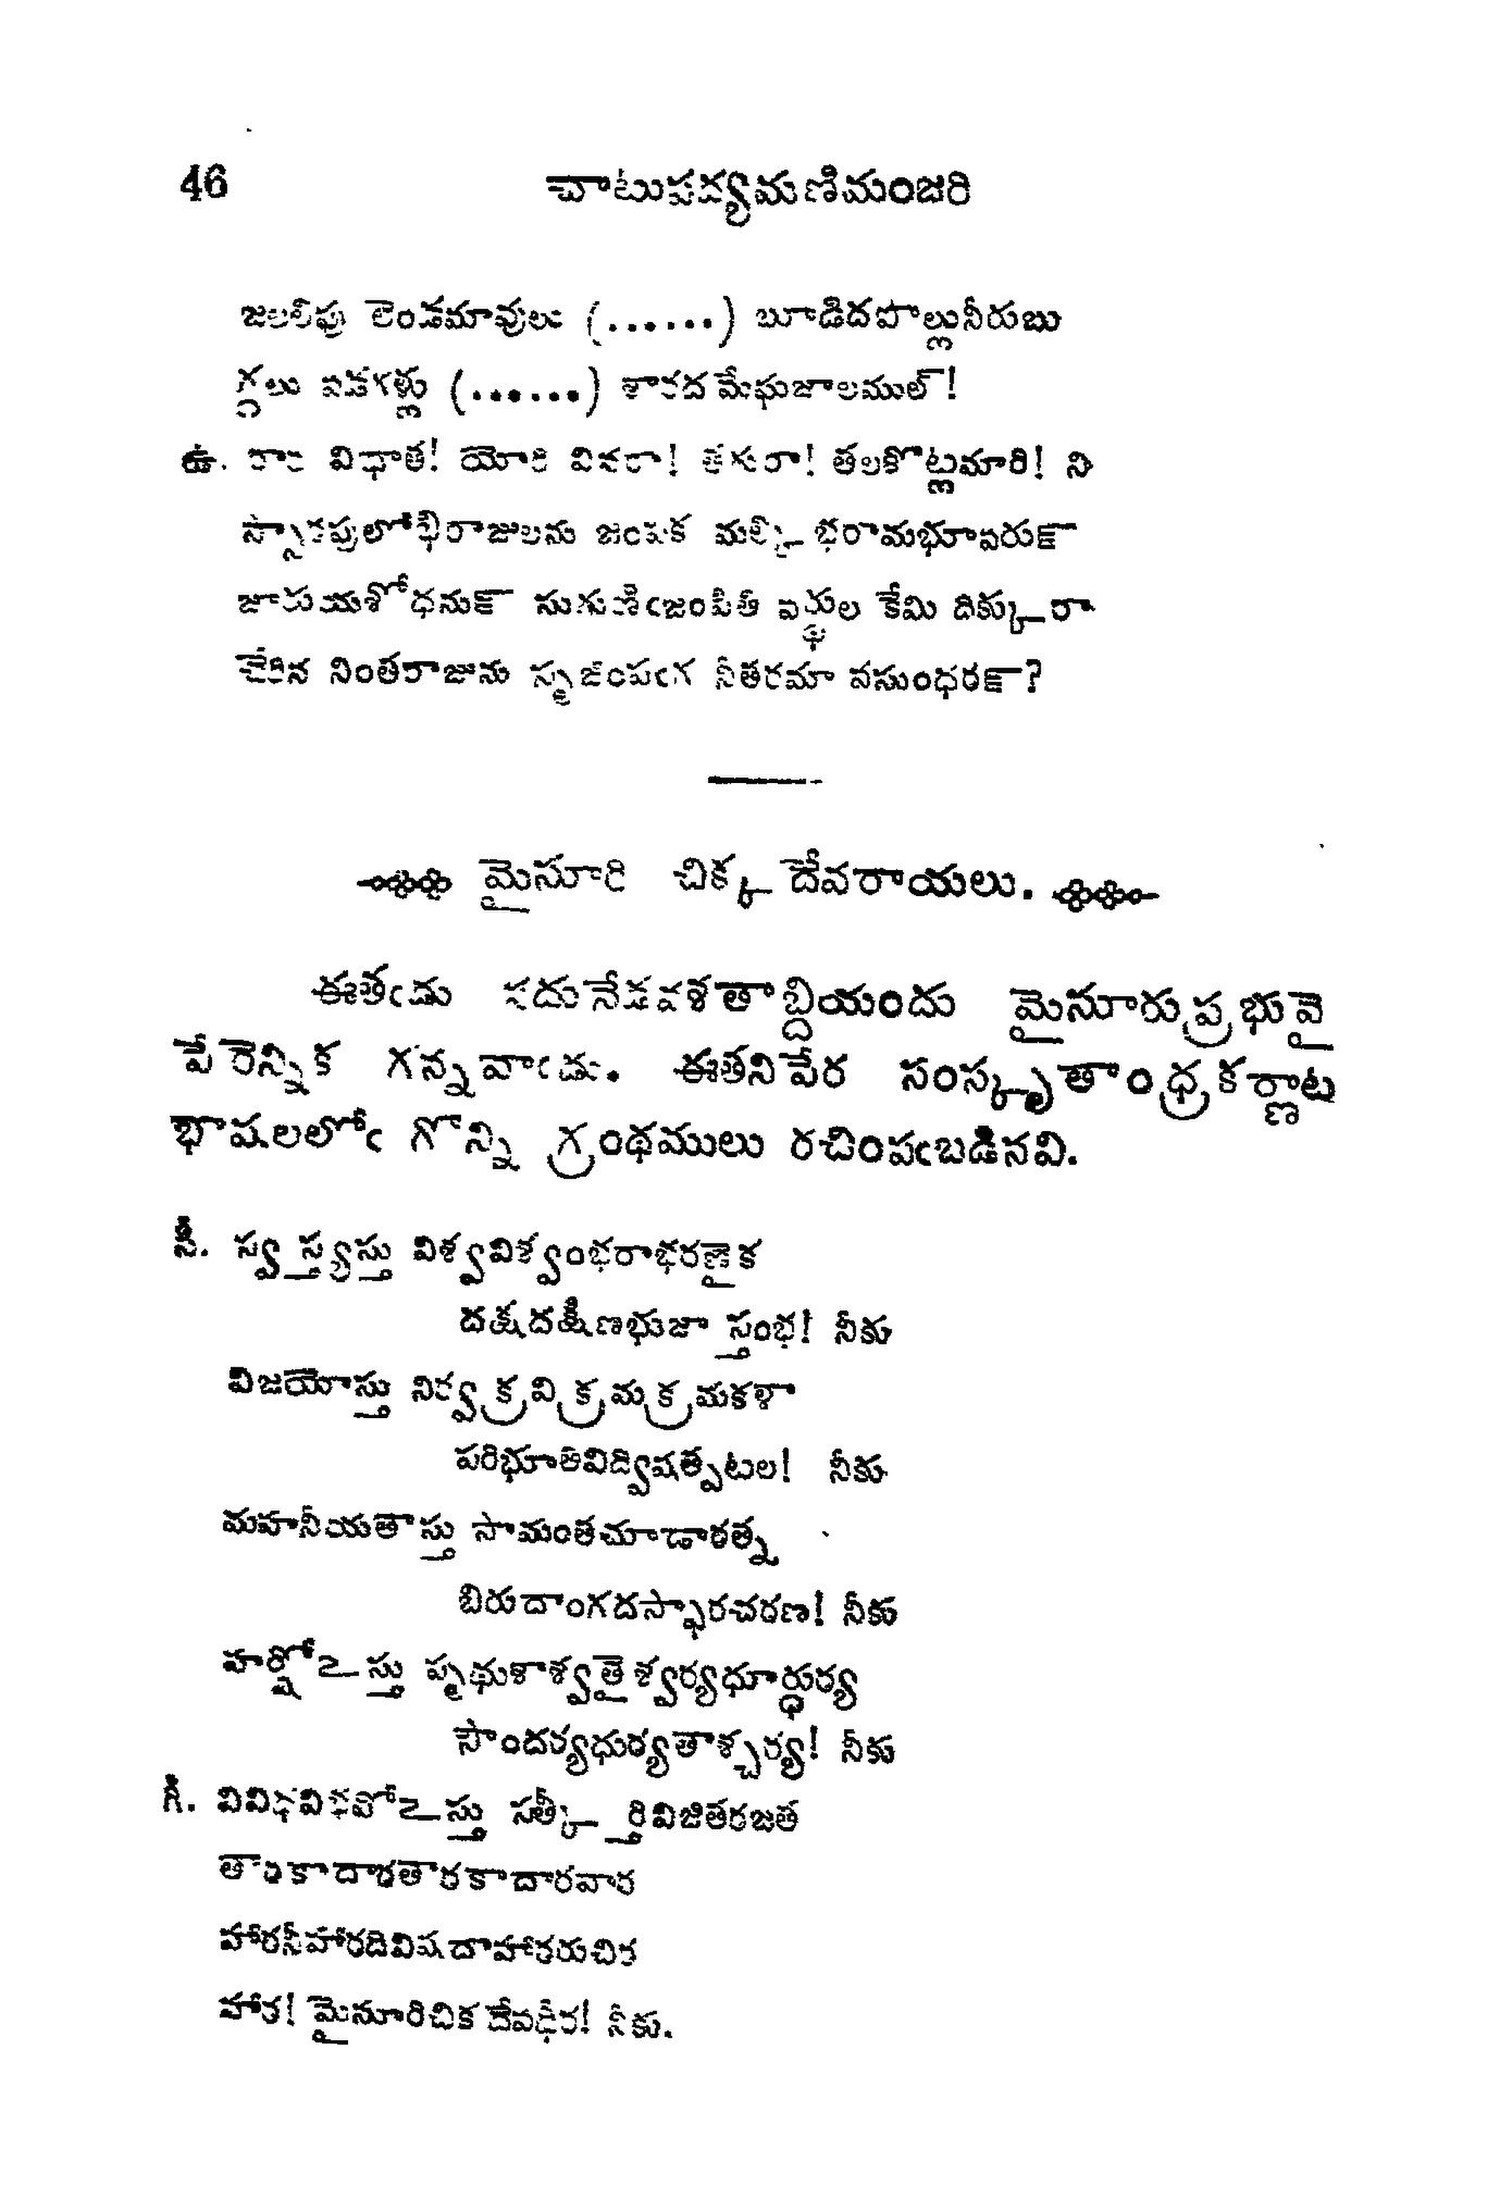జలలిపు లెండమావులు (........) బూడిదపొల్లునీరుబు
 గ్గలు వడగళ్ళు (..........) శారదమేఘజాలముల్!
ఉ. రార విధాత! యోరి వినరా! తగురా! తలకొట్లమారి! ని
 స్సారపులోభిరాజులను జంపక మల్కిభరామభూవరున్
 జారుయశోధనున్ సుగుణిఁ జంపితి వర్థుల కేమి దిక్కురా
 చేరిక నింతరాజును సృజింపఁగ నీతరమా వసుంధరన్?

ఈతఁడు పదునేడవశతాబ్దియందు మైసూరుప్రభువై పేరెన్నిక గన్నవాఁడు. ఈతనిపేర సంస్కృతాంధ్రకర్ణాటభాషలలోఁ గొన్ని గ్రంథములు రచింపఁబడినవి.
సీ. స్వస్త్యస్తు విశ్వవిశ్వంభరాభరణైక
 దక్షదక్షిణభుజాస్తంభ! నీకు
 విజయోస్తు విర్వక్రవిక్రమక్రమకలా
 పరిభూతవిద్విషత్పటల! నీకు
 మహనీయతాస్తు సామంతచూడారత్న
 బిరుదాంగస్ఫారచరణ! నీకు
 హర్షో౽స్తు పృథుశాశ్వతైశ్వర్యధూర్ధుర్య
 సౌందర్యధుర్యతాశ్చర్య! నీకు
గీ. వివిధవిభవో౽స్తు సత్కీర్తివిజితరజిత
 తారకాదారతారకాదారవార
 హారనీహారదివిషదాహారరుచిర
 హార! మైసూరిచికదేవధీర! నీకు.